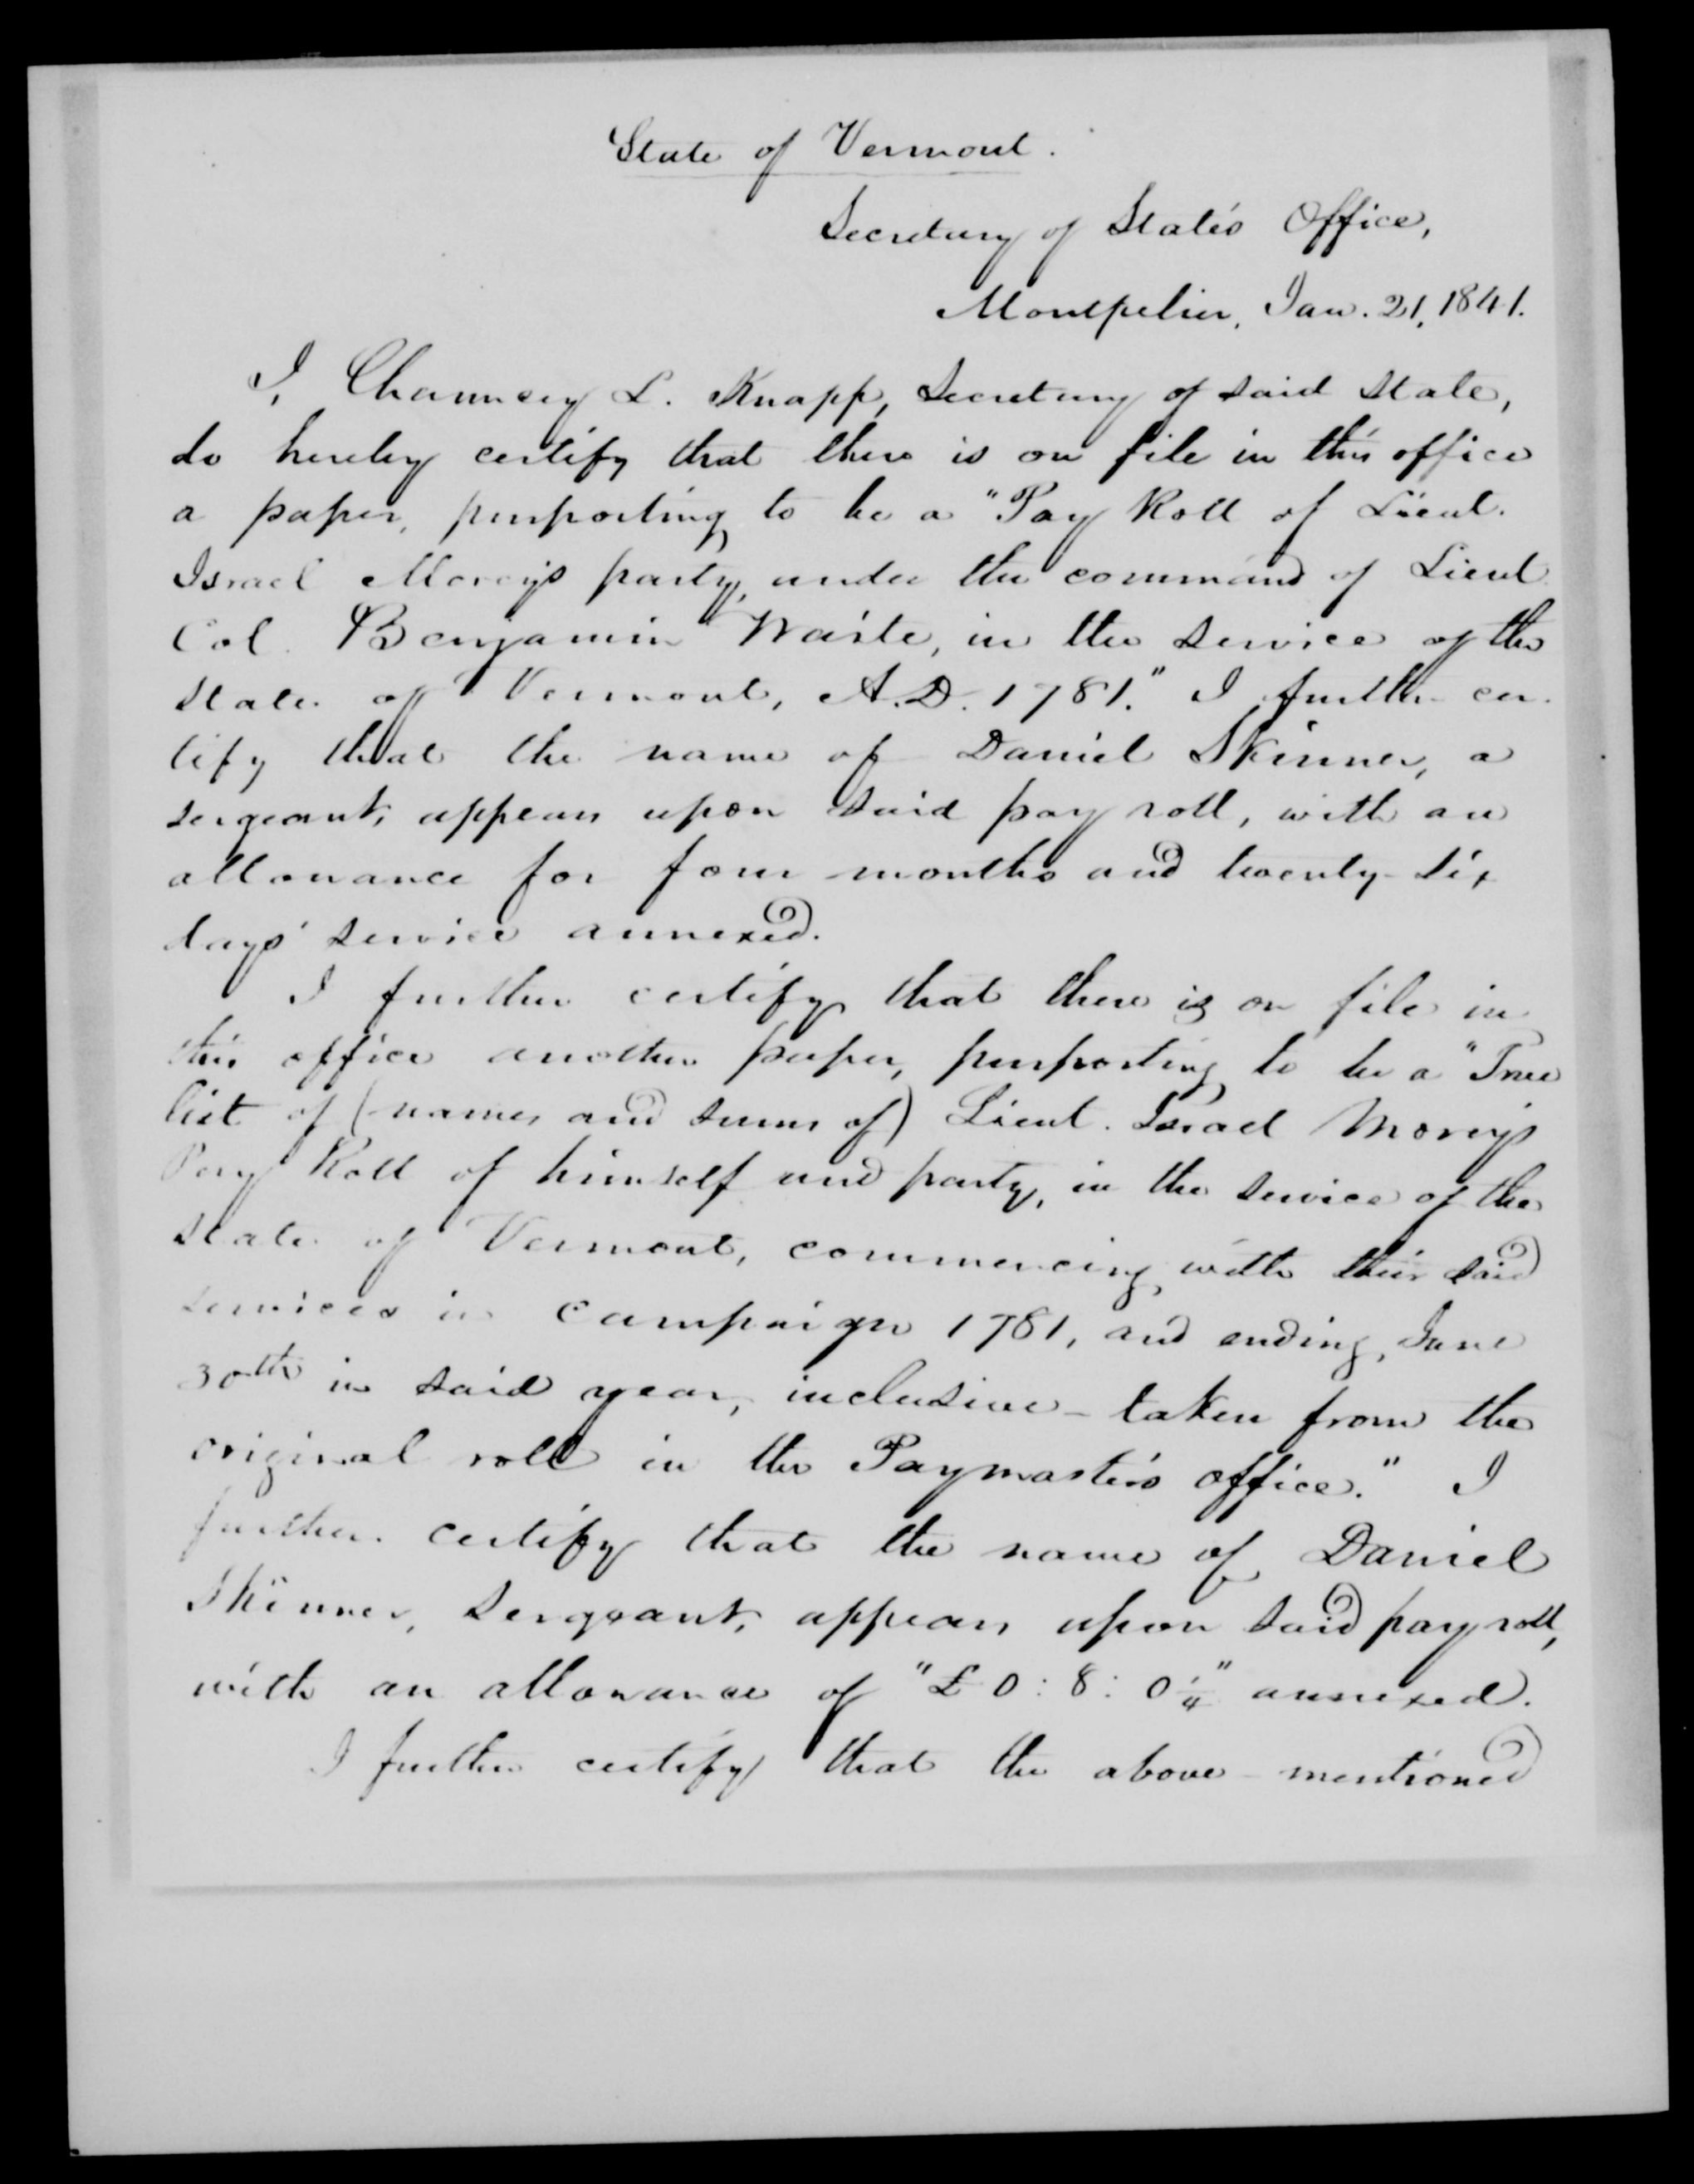State of Vermont
Secretary of State's Office
Montpelier, Jan. 21. 1841.
I Chauncey L. Knapp, Secretary of said State
do hereby certify that there is on file in this office
a paper, purporting to be a "Pay Roll of Lieut.
Israel Morey's party, under the command of Lieut
Col. Benjamin Waite, in the service of the
State of Vermont, A. D. 1781."" I further certify
that the name of Daniel Skinner, a
Sergeant, appears upon said pay roll, with an
allowance for four months and twenty six
days service annexed.
I further certify that there is on file in
this office another paper, purporting to be a "true
list of (names and sums of) Lieut. Israel Morey's
Pay Roll of himself and party, in the service of the
State of Vermont, commencing with their said
services in Campaign 1781, and ending June
30th in said year, inclusive, taken from the
original roll in the Paymaster's office." I
further certify that the name of Daniel
Skinner, Sergeant, appears upon said pay roll,
with an allowance of "L 0:8:01/4" annexed.
I further certify that the above mentioned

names: Daniel Skinner; Chauncey L Knapp; Daniel Skinner; Benjamin Waite; Israel Morriss; Israel Morriss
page: 29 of 46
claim: widow's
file: W. 24976, for Daniel Skinner, New Hampshire